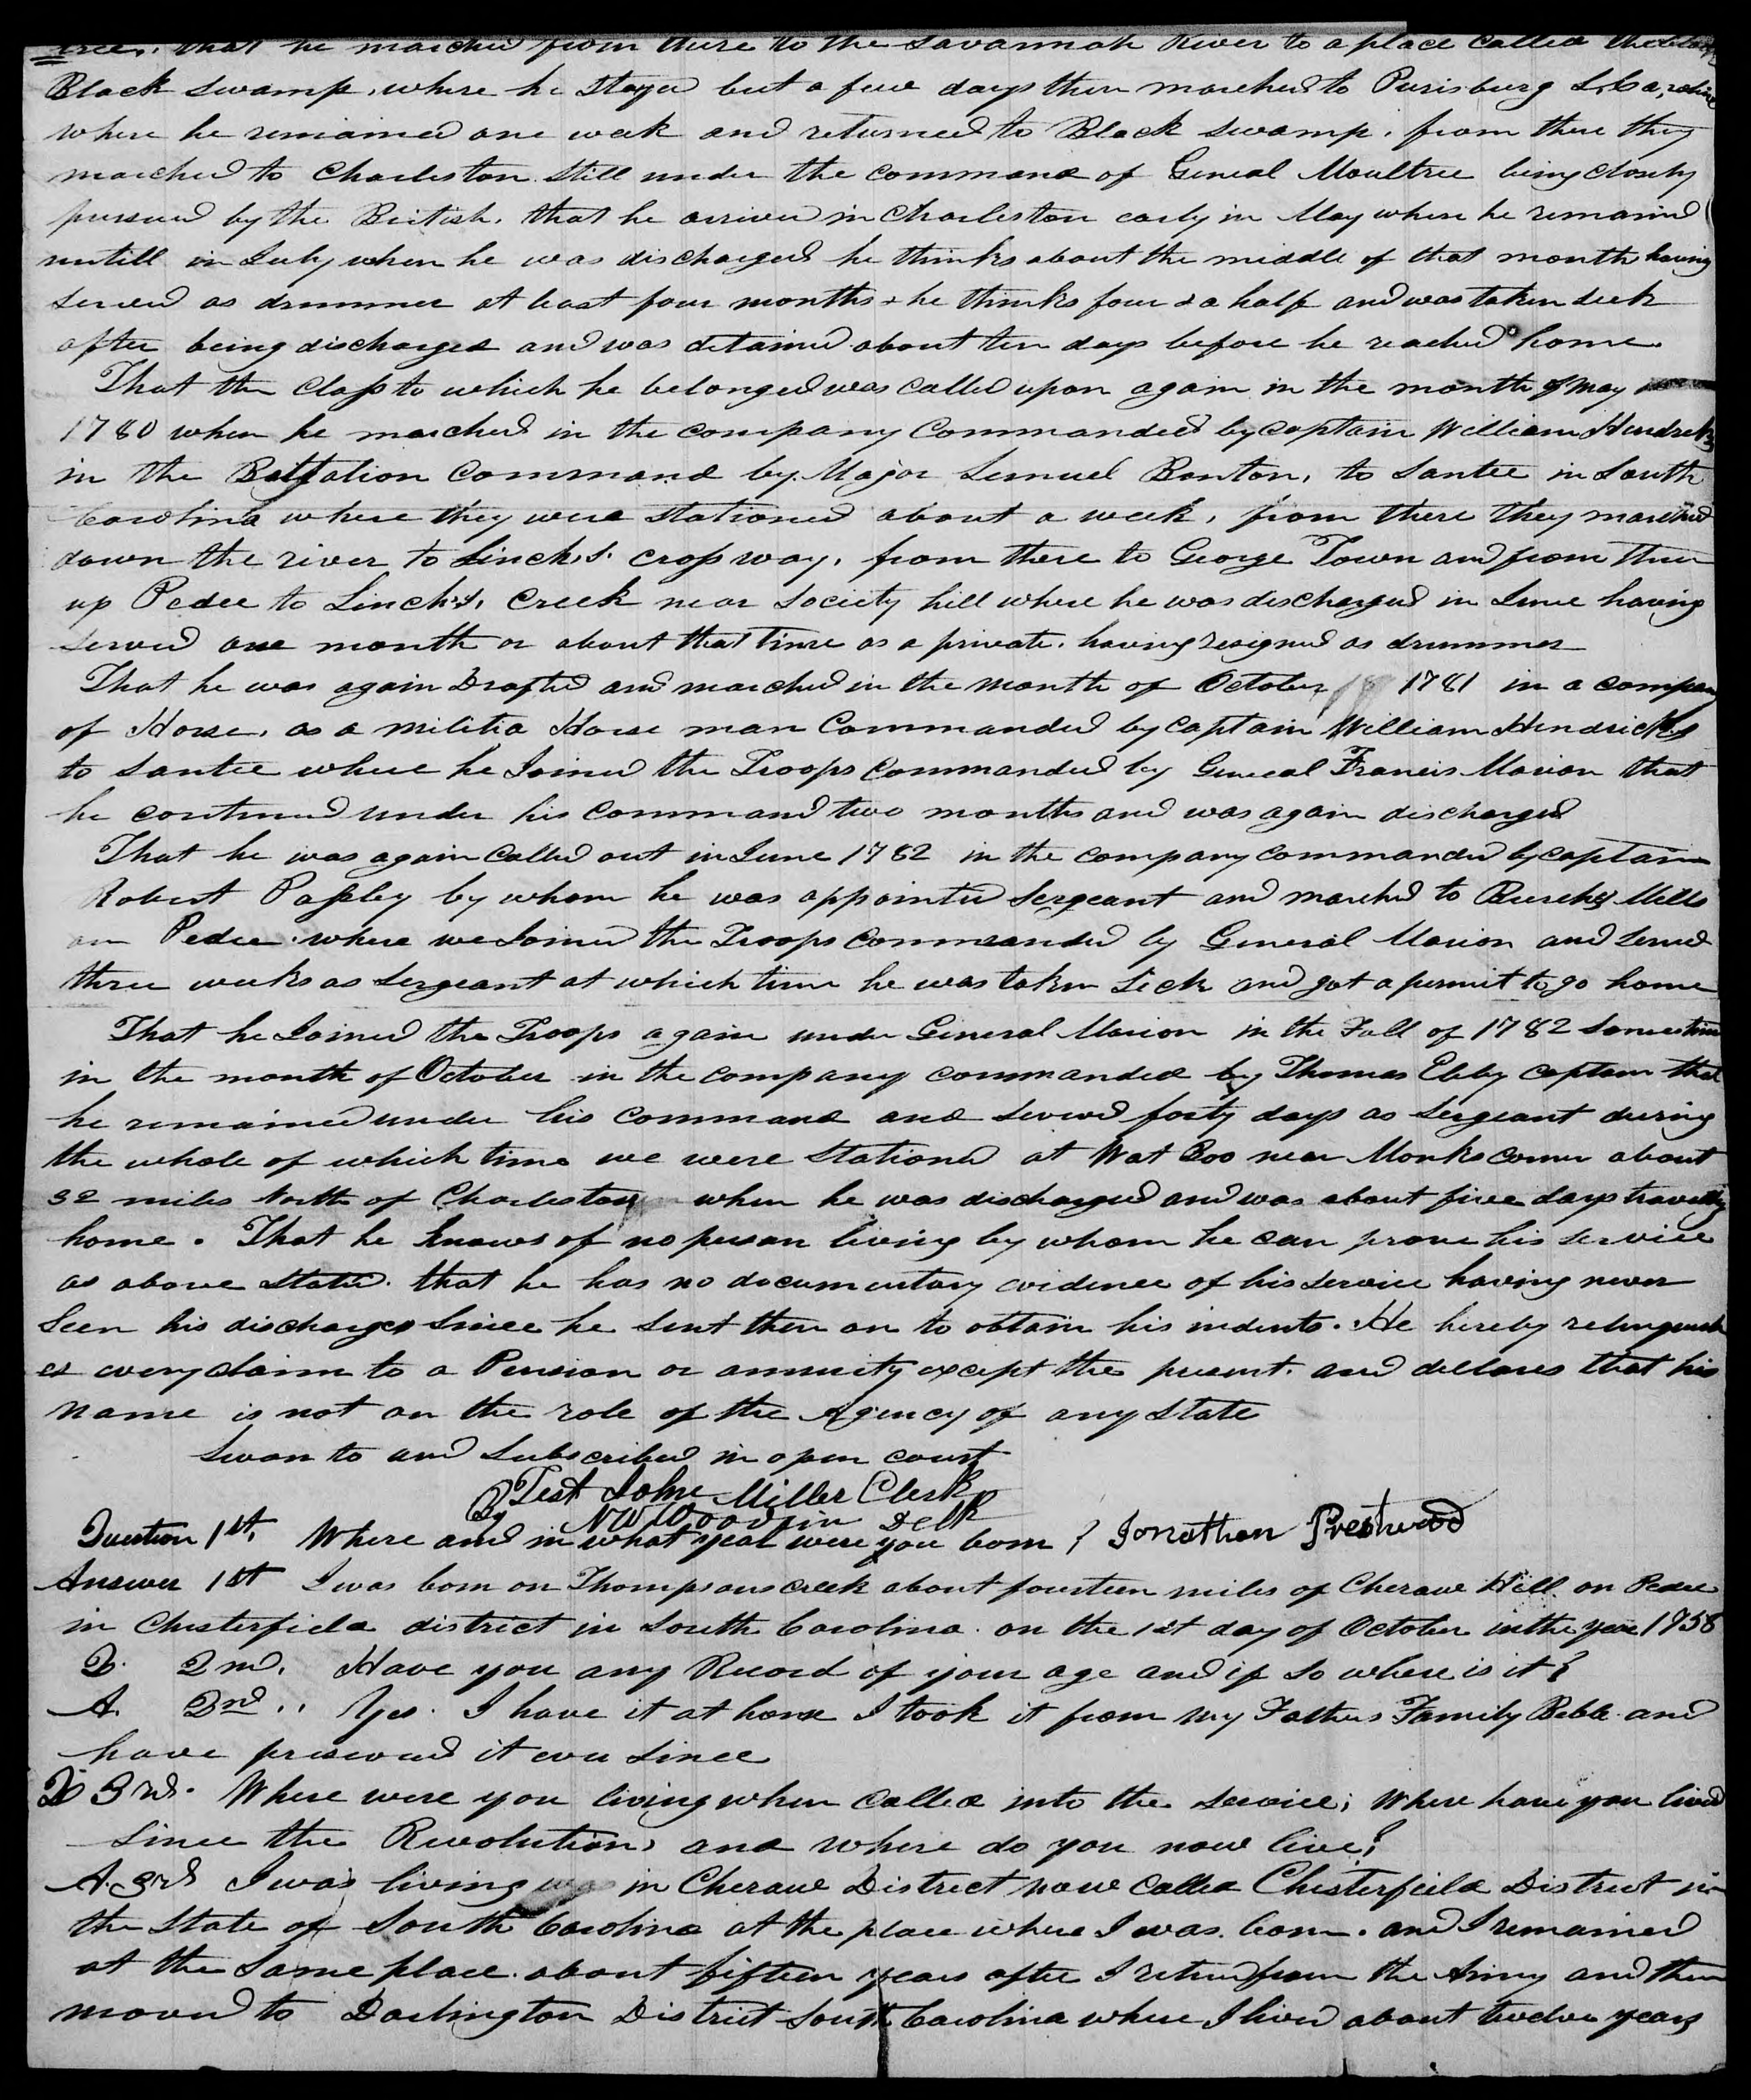ter that he marched from there to the Savannah River to a place called the Black Swamp, where he stayed but a few days then marched to Purisburg S.C. where he remained one week and returned to Black Swamp, from there they marched to Charleston Still under the command of General Moultrie being closely pursued by the British, that he arrived in Charleston early in May where he remained untill in July when he was discharged he thinks about the middle of that month having served as drummer at least four months & he thinks four & a half and was taken sick after being discharged and was detained about ten days before he reached home
That the class to which he belonged was called upon again in the month of May 1780 when he marched in the company commanded by Captain William Hendricks in the Battalion command by Major Lemuel Benton, to Santee in South Carolina where they were stationed about a week, from there they marched down the river to Linck's  cross way, from there to George Town and from their up Pedee to Linck's, Creek near Society hill where he was discharged in June having served one month or about that time as a private, having resigned as drummer.
That he was again drafted and marched in the month of October 1781 in a company of Horse, as a militia Horse man commanded by Captain William Hendrick to Santee where he joined the Troops commanded by General Francis Marion that he continued under his command two months and was again discharged
That he was again called out in June 1782 in the company commanded by Captain Robert Pasley by whom he was appointed Sergeant and marched to Burch Hills on Pedee where we joined the Troops Commanded by General Marion and served three weeks as Sergeant at which time he was taken sick and got a permit to go home.
That he joined the Troops again under General Marion in the Fall of 1782 sometime in the month of October in the company commanded by Thomas Eleby [Ellerbee] Captain that he remained under his command and served forty days as Sergeant during the whole of which time we were stationed at Wat Boo near Moncks corner about 32 miles North of Charleston when he was discharged and was about five days travelling home. That he knows of no person living by whom he can prove his service as above stated that he has no documentary evidence of his service having never seen his discharge since he sent them on to obtain his indents. He hereby relinquishes is every claim to a Pension or annuity except the present, and declares that his name is not on the role of the Agency of any State. s/  Jonathan Prestwood
Sworn to and subscribed in open court  Test John Miller Clerk
by N W Woodfin D.C.

Question 1st
Where and in what year were you born?
Answer 1st I was born on Thompsons Creek about fourteen miles of Cheraw Hill on Pedee in Chesterfield district in South Carolina on the 1st day of October in the year 1758
Q 2nd. Have you any Record of your age and if so where is it?
A. 2nd. Yes. I have it at home I took it from my Fathers Family Bible and have preserved it ever since
Q. 3rd Where were you living when called into the service; where have you lived since the Revolution, and where do you now live,
Ans 3rd I was living in Cheraw District now called Chesterfield District in the State of South Carolina at the place where I was born, and I remained at the same place about fifteen years after I retire from the Army and then moved to Darlington District South Carolina where I lived about twelve years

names: Lemuel Benton; John Miller; William Hendriks; William Hendricks; Jonathan Prestwood; N W Woodfin; Robert Passley; Francis Marion; [BLANK] Moultree; Thomas Eleby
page: 11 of 13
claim: survivor's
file: S. 8,977, for Jonathan Prestwood, South Carolina